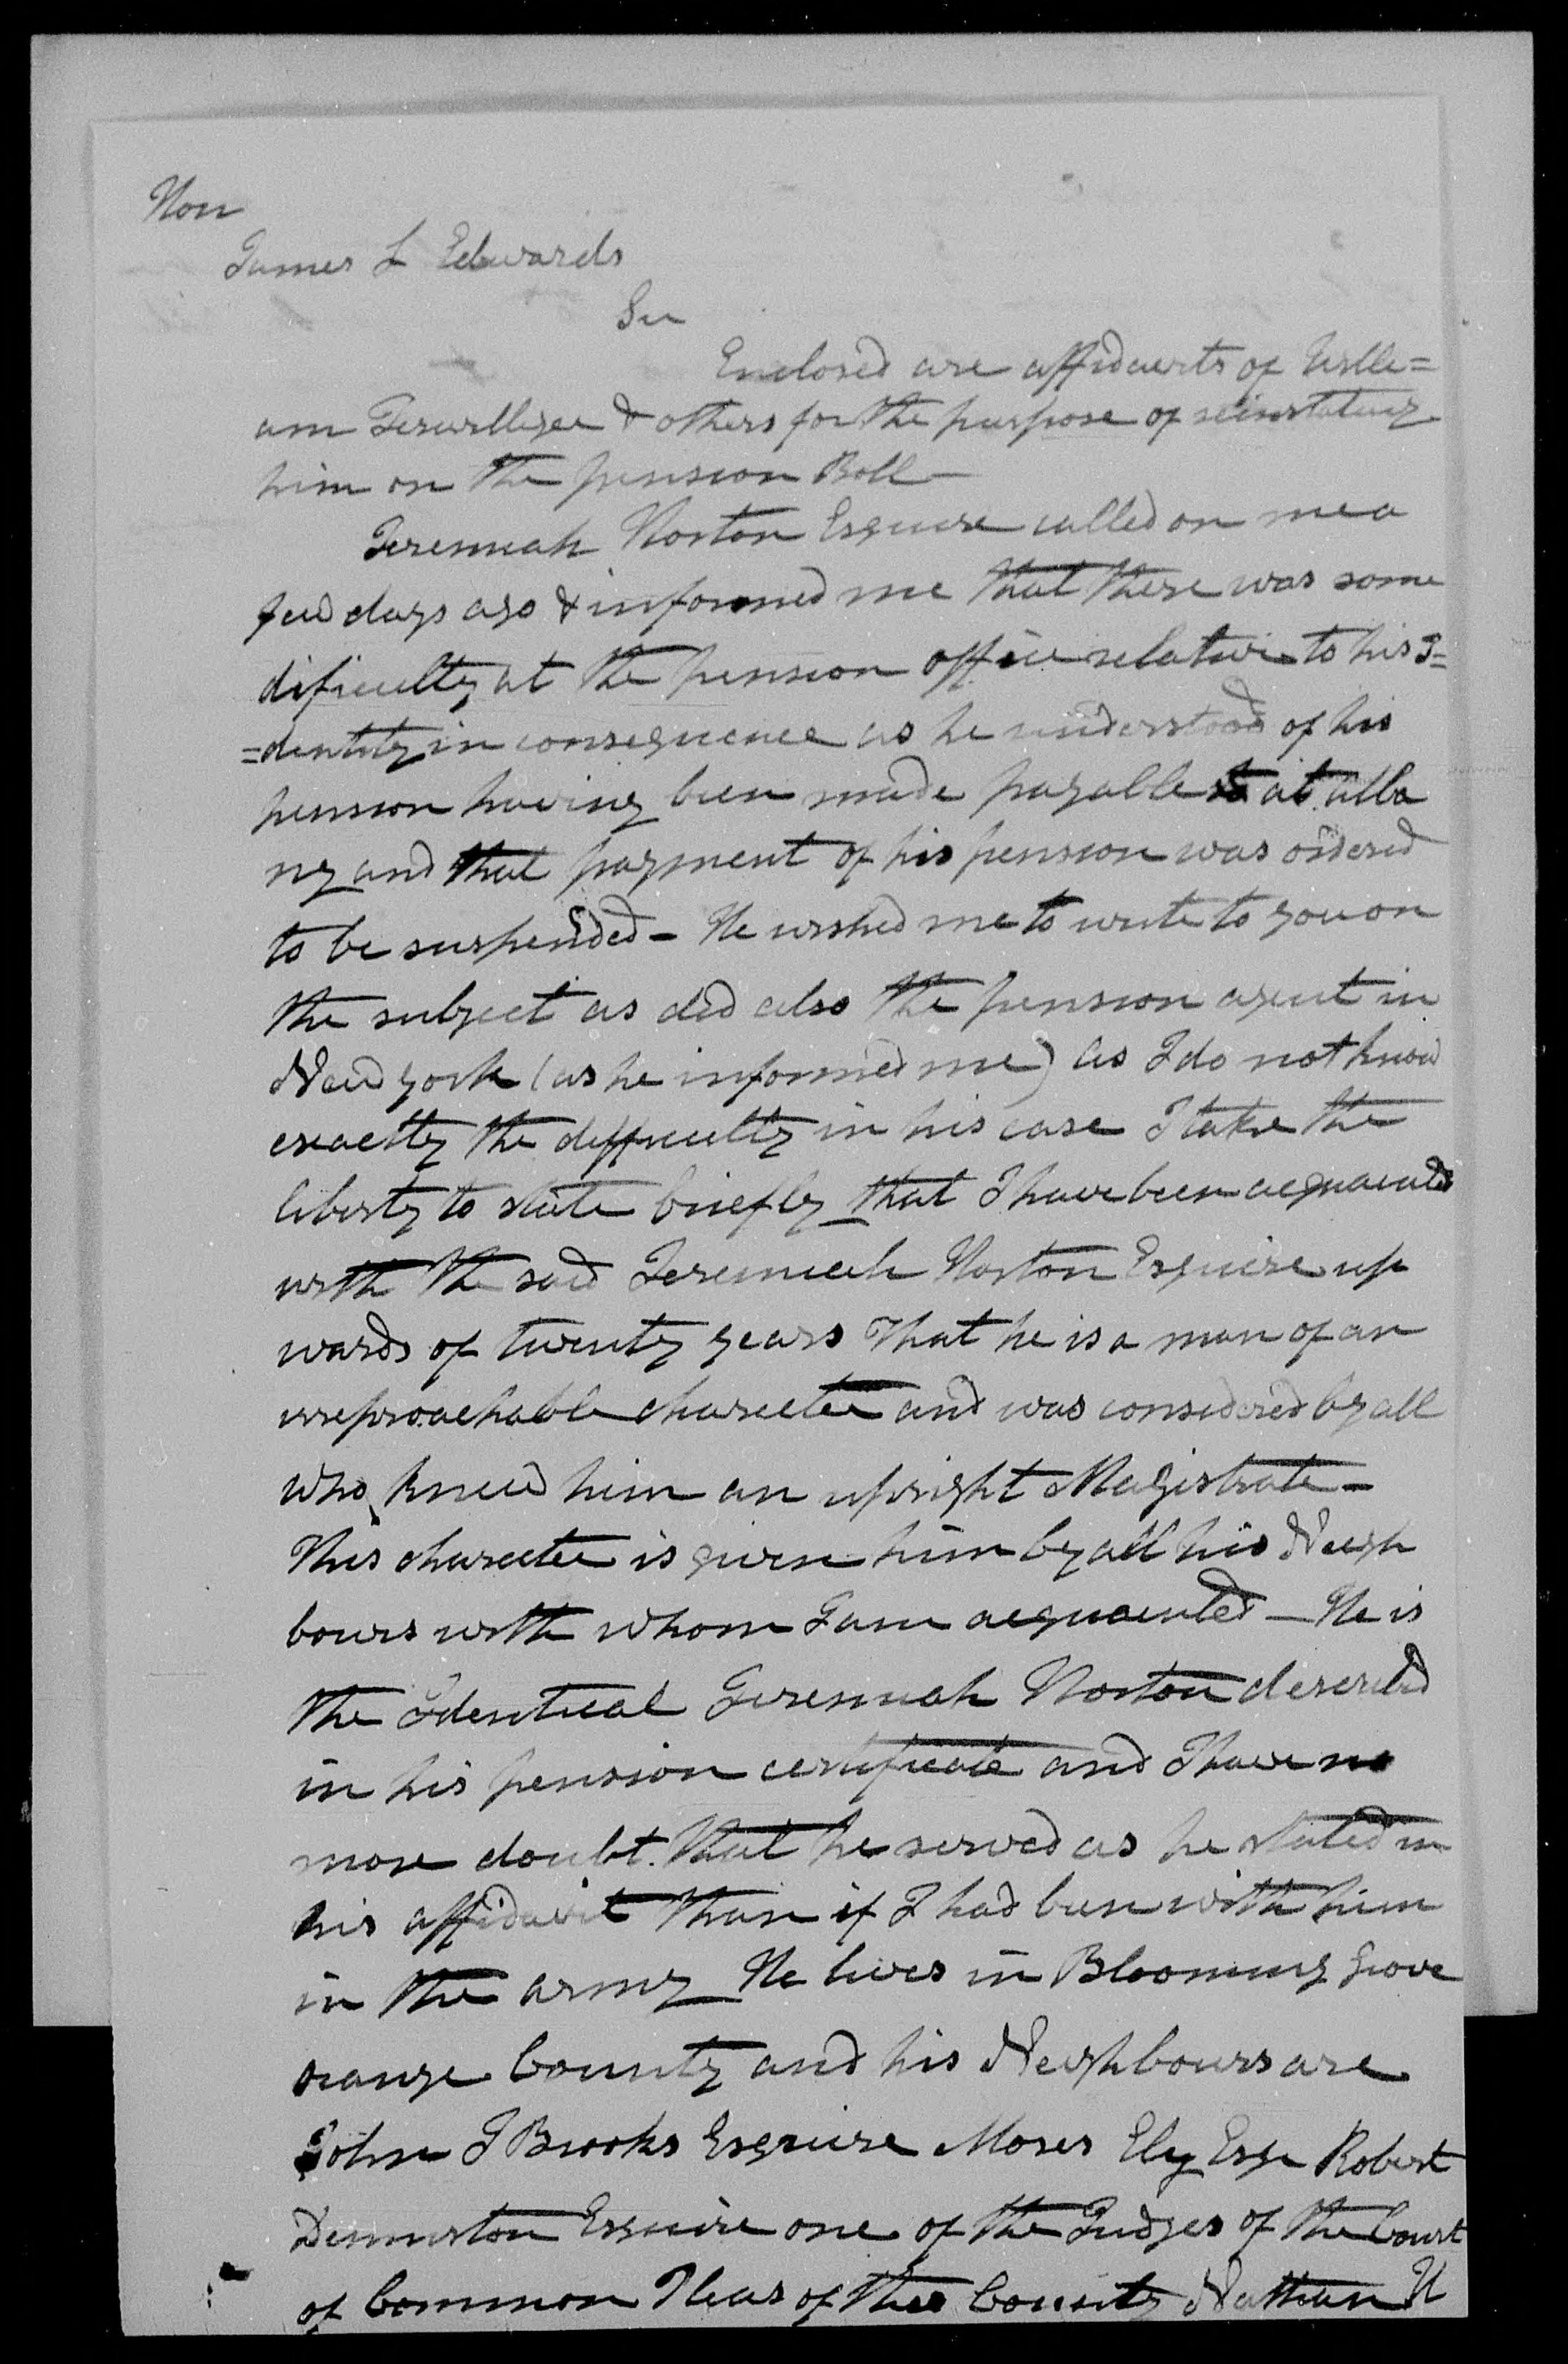Hon James L Edwards

Sir
Enclosed are affidavits of William Terwilliger & others for the purpose of reinstating
him on the pension roll-
Jeremiah Norton Esquire called on me a
few days ago & informed me that there was some
dificulty at the pension office relative to his
identity in consequence as he understood of his
pension having been made payable that Albany
and that payment of his pension was ordered
to be suspended. He wished me to write to you on
the subject as did also the pension agent in
New York (as he informed me, as I do not know
exaltly the difficulty in his case I take the
liberty to state briefly that I have been acquainted
with the said Jeremiah Horton Esquire upwards of twenty years that he is a man of an
irreproachable character and was considered by all
who knew him an upright Magistrate
This character is given him by all his neighbours with whom I am acquainted-- he is
the identical Jeremiah Norton described
in his pension certificate and I have
more doubt that he served as he stated in
his affidavit than if I had beem with him
in the army he lives in Blooming Grove
Orange County and his Neighbours are
John J Brooks Esquire Moses Ely Esqr Robert ┃
Denniston Esquire one of the Judges of the Court
of Common Pleas of the County Nathan I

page: 58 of 64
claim: survivor's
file: S. 42,464, for William Terwilliger, New York